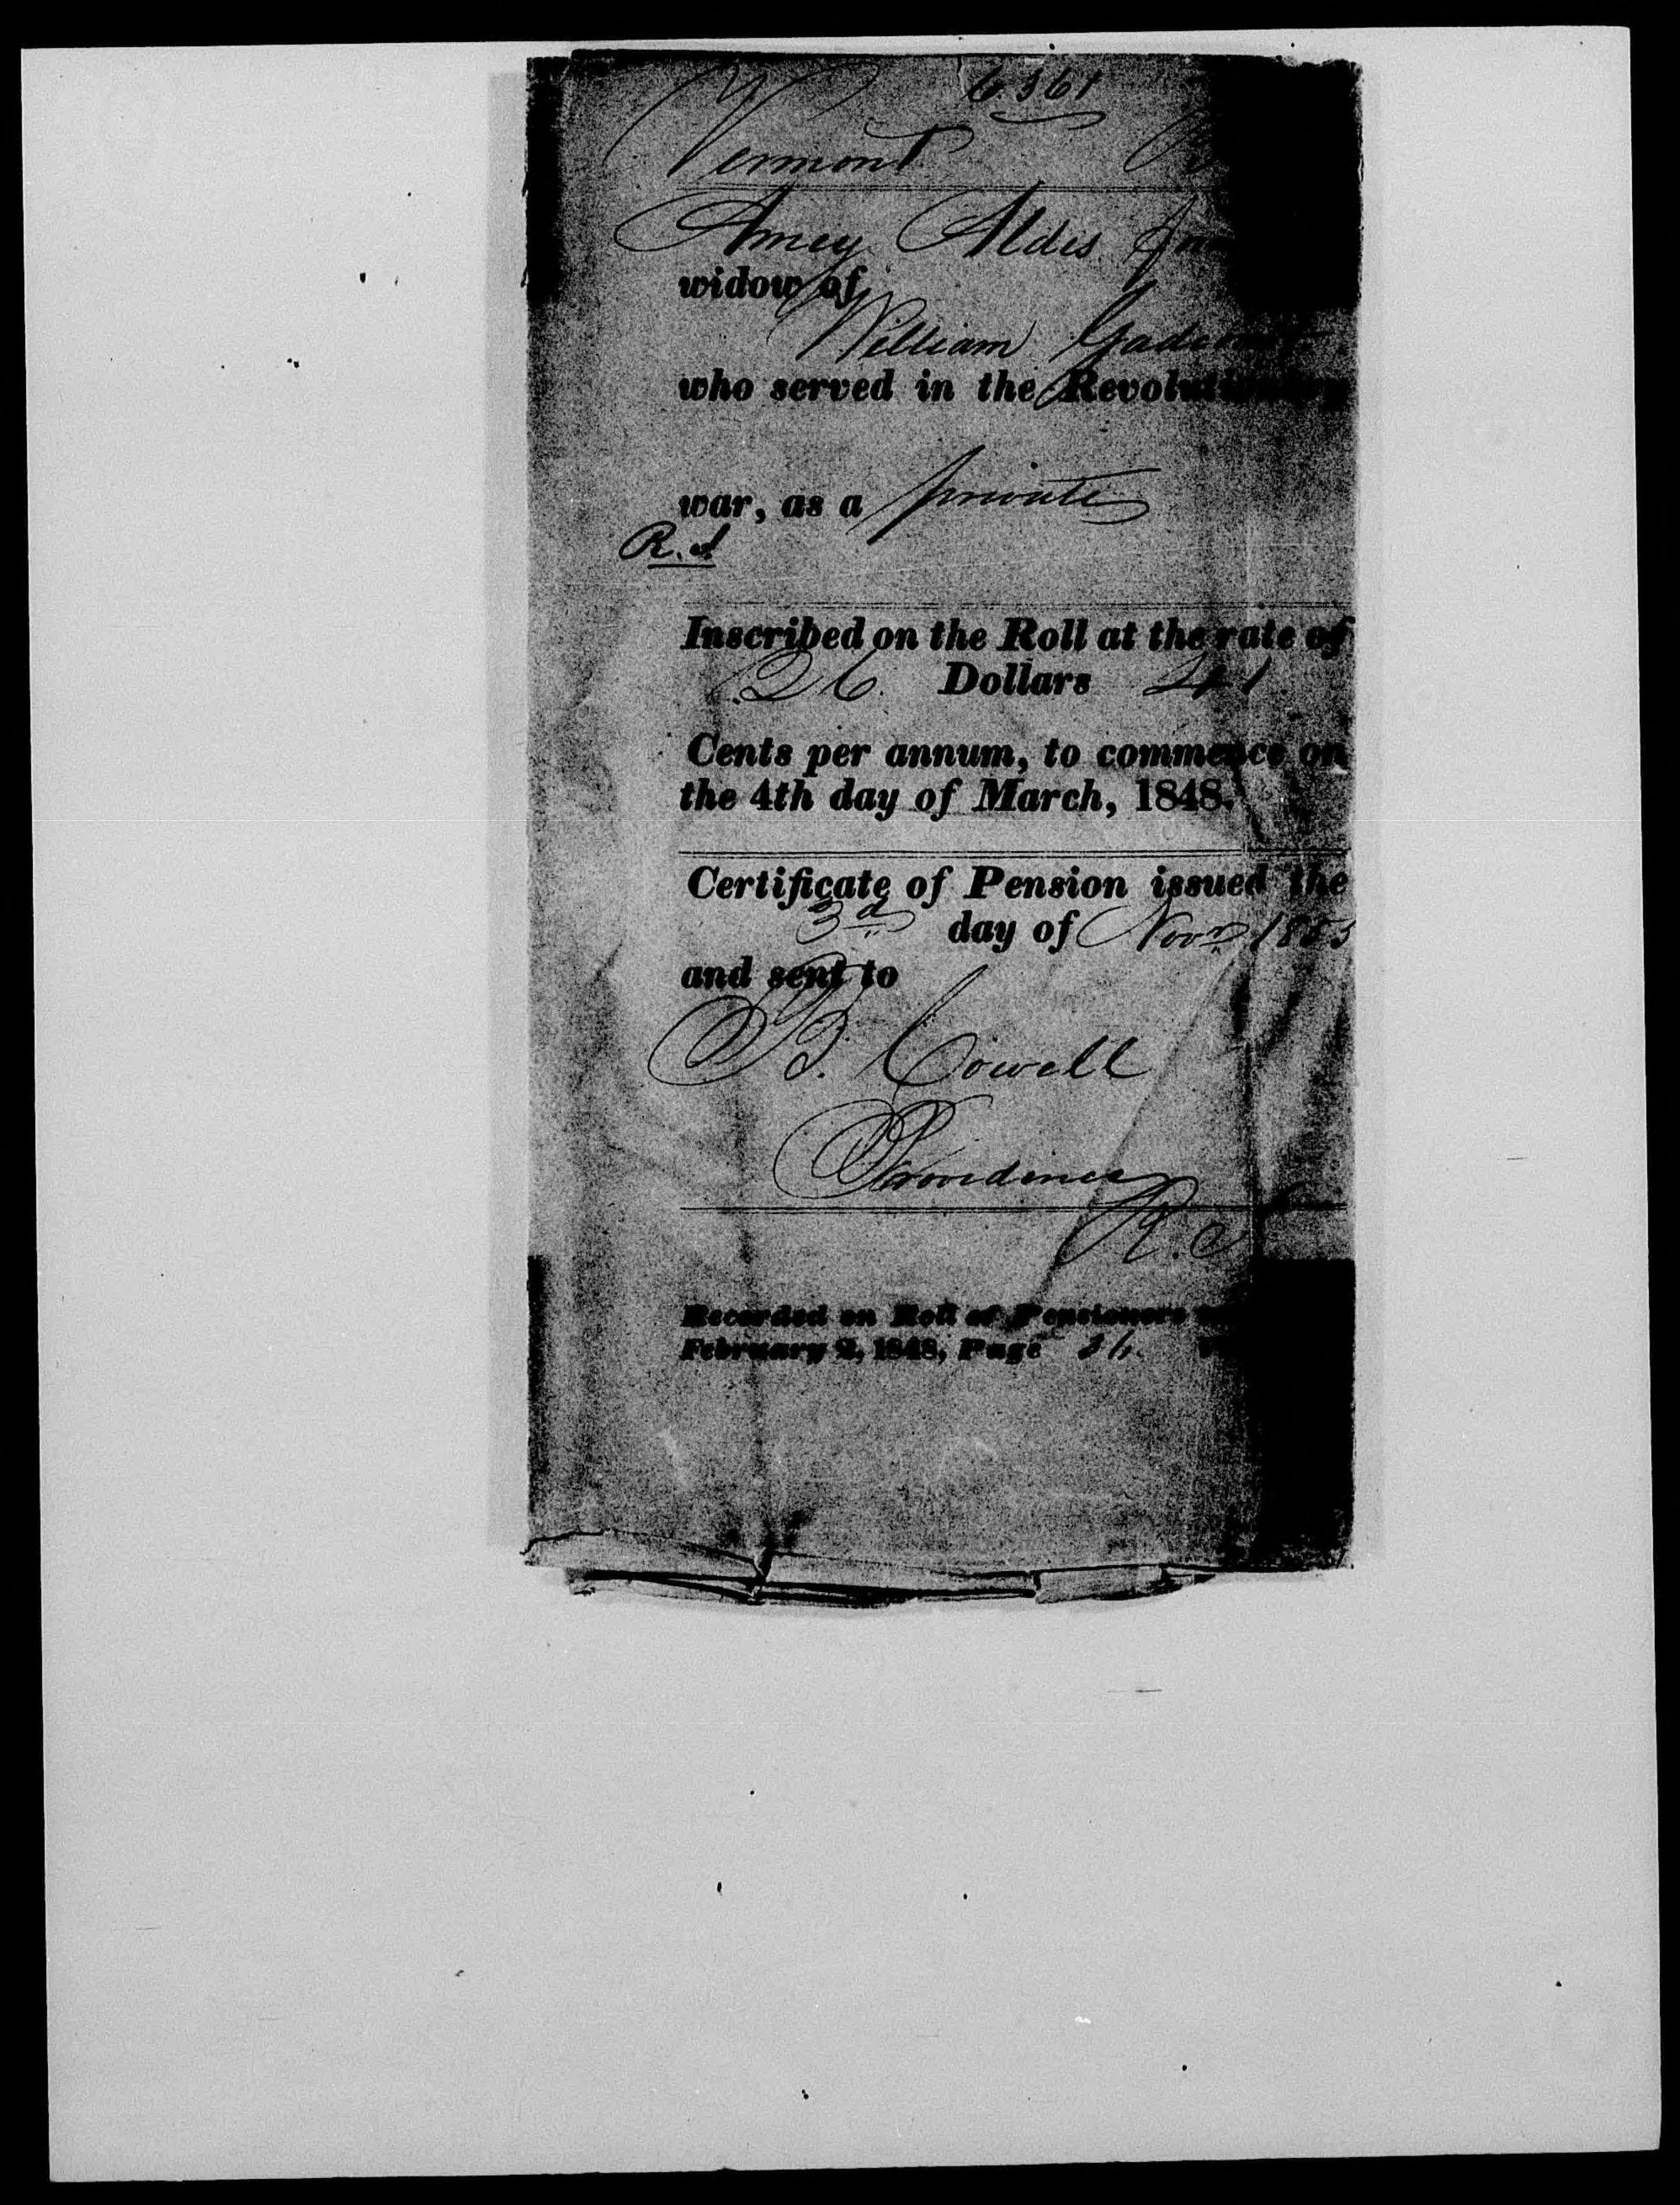6361
Vermont 
Amey Aldis [illegible]
widow of
William Gadcomb
who served in the Revolutionary 
war, as a private
R. I. 
Inscribed on the Roll at the rate of 
26 Dollars 41 
Cents per annum, to commence on
the 4th day of March, 1848.
Certificate of Pension issued the
3d day of Nov 1853 
and sent to 
B. Cowell
Providence R. I.
Recorded on Roll of Pensioners [illegible]
February 2, 1848, Page 36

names: William Gadcomb, B Cowell, Amey Aldis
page: 2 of 76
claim: widow's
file: W. 15,517, William Gadcomb, R.I.